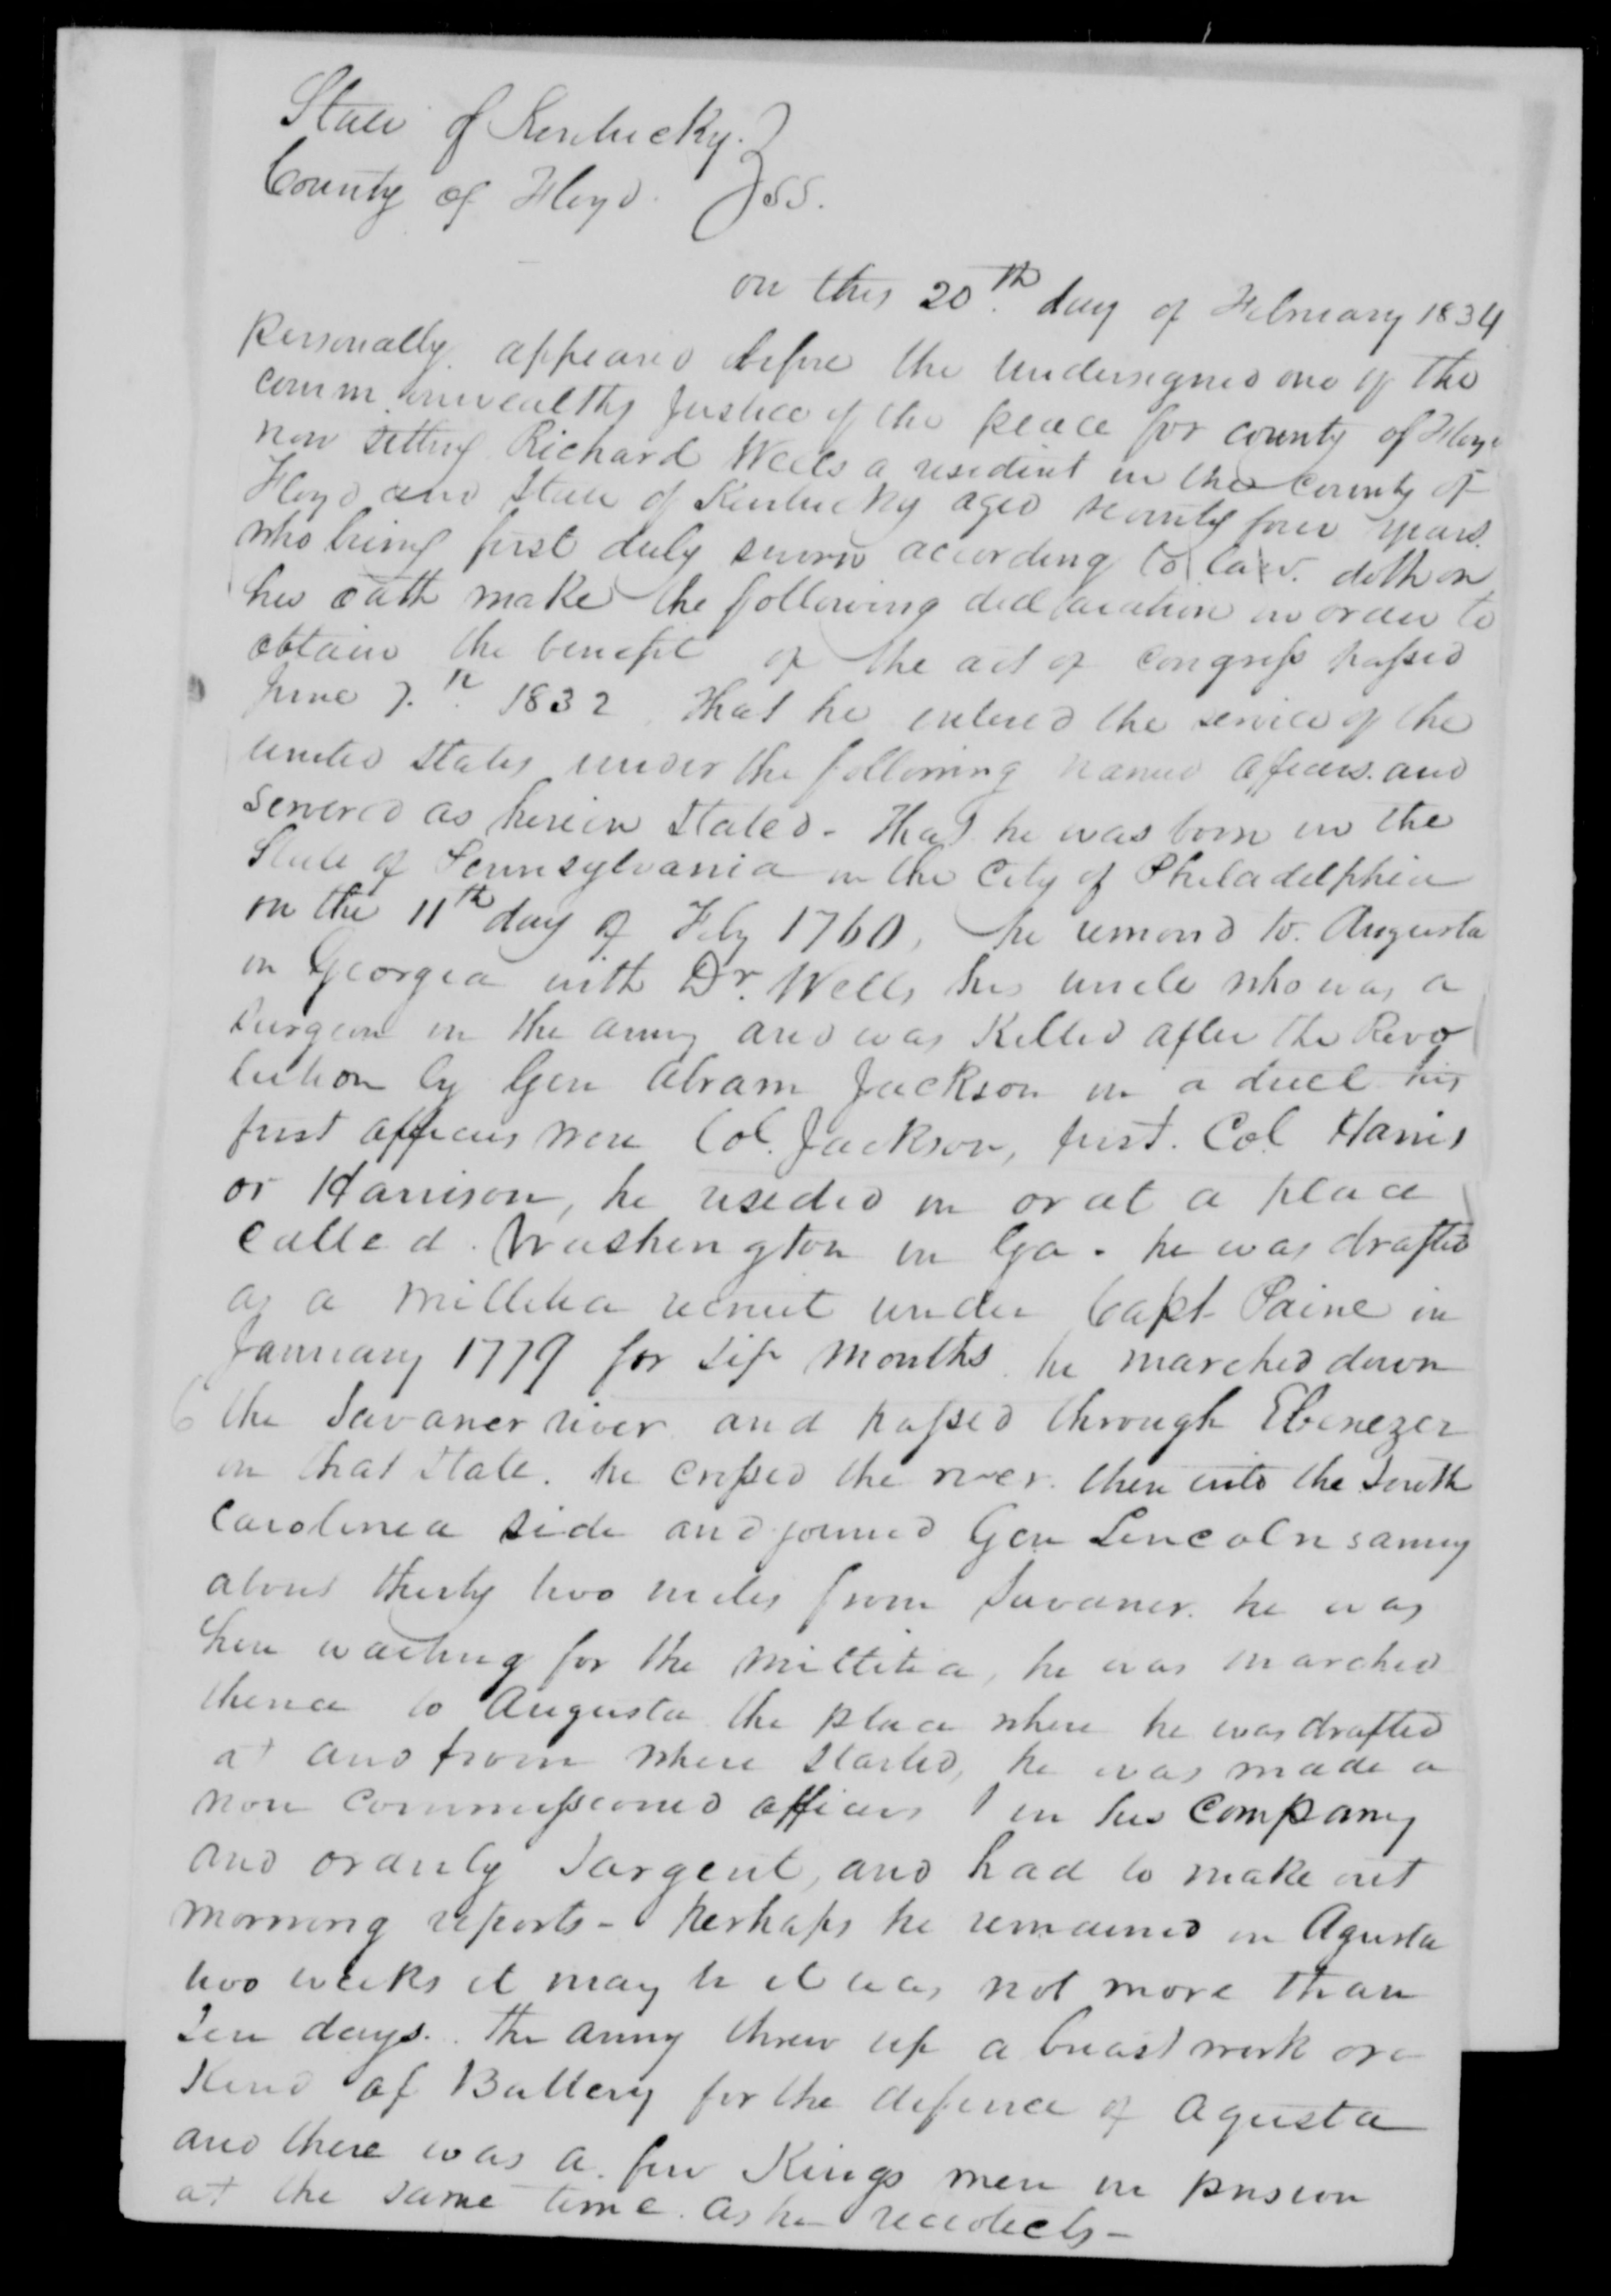[ State of Kentucky County of Floyd ] SS. On the 20th day of January 1834 personally appeared before the undersigned one of the now sitting Richard Wells  a resident in the County of Floyd and State of Kentucky  aged seventy four years who being first being duly sworn according to law doth on his oath make the following declaration in order to obtain the benefit of the act of Congress passed June 7th 1832,that he entered the service of the United States under the following named officers and served as herein stated-That he was born in the State of Pennsylvania in the City of Philadelphia on the 11th day of July 1760, he removed to Augusta in Georgia with Dr. Wells, his uncle who was a surgeon in the army and was killed after the Revolution by Gen Abram Jackson in a duel, his first officer was Col. Jackson  , first Col. Harris or Harrison, he resided in or at a place called Washington in Ga. he was drafted as a millitia (militia) recruit under Capt. Paine in January 1779 for six months he marched down the Savaner (Savannah) river and passed through  Ebenezer in that State. He crossed the river then into the South Carolina side and joined Gen Lincoln's  army about thirty two miles from Savaner (Savannah) he was here waiting for the millitia (militia) ,he was marched thence to Augusta, the place where he was drafted at and from where started, he was made a non commissioned officer in his Company and Orderly Sergeant and had to make out morning reports - perhaps he remained in Augusta two weeks it may be, it was not more than ten days . The army threw up a breast work on a kind of Battery for the defence (defense) of Augusta and there was a few King's men in prison at the same time as he recollects -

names: Lincoln, Harris, Ebenezer, Abram Jackson, Richard Weels, Harrison, Paine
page: 21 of 100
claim: widow's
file: W. 6437, Richard Wells, Ga Va.